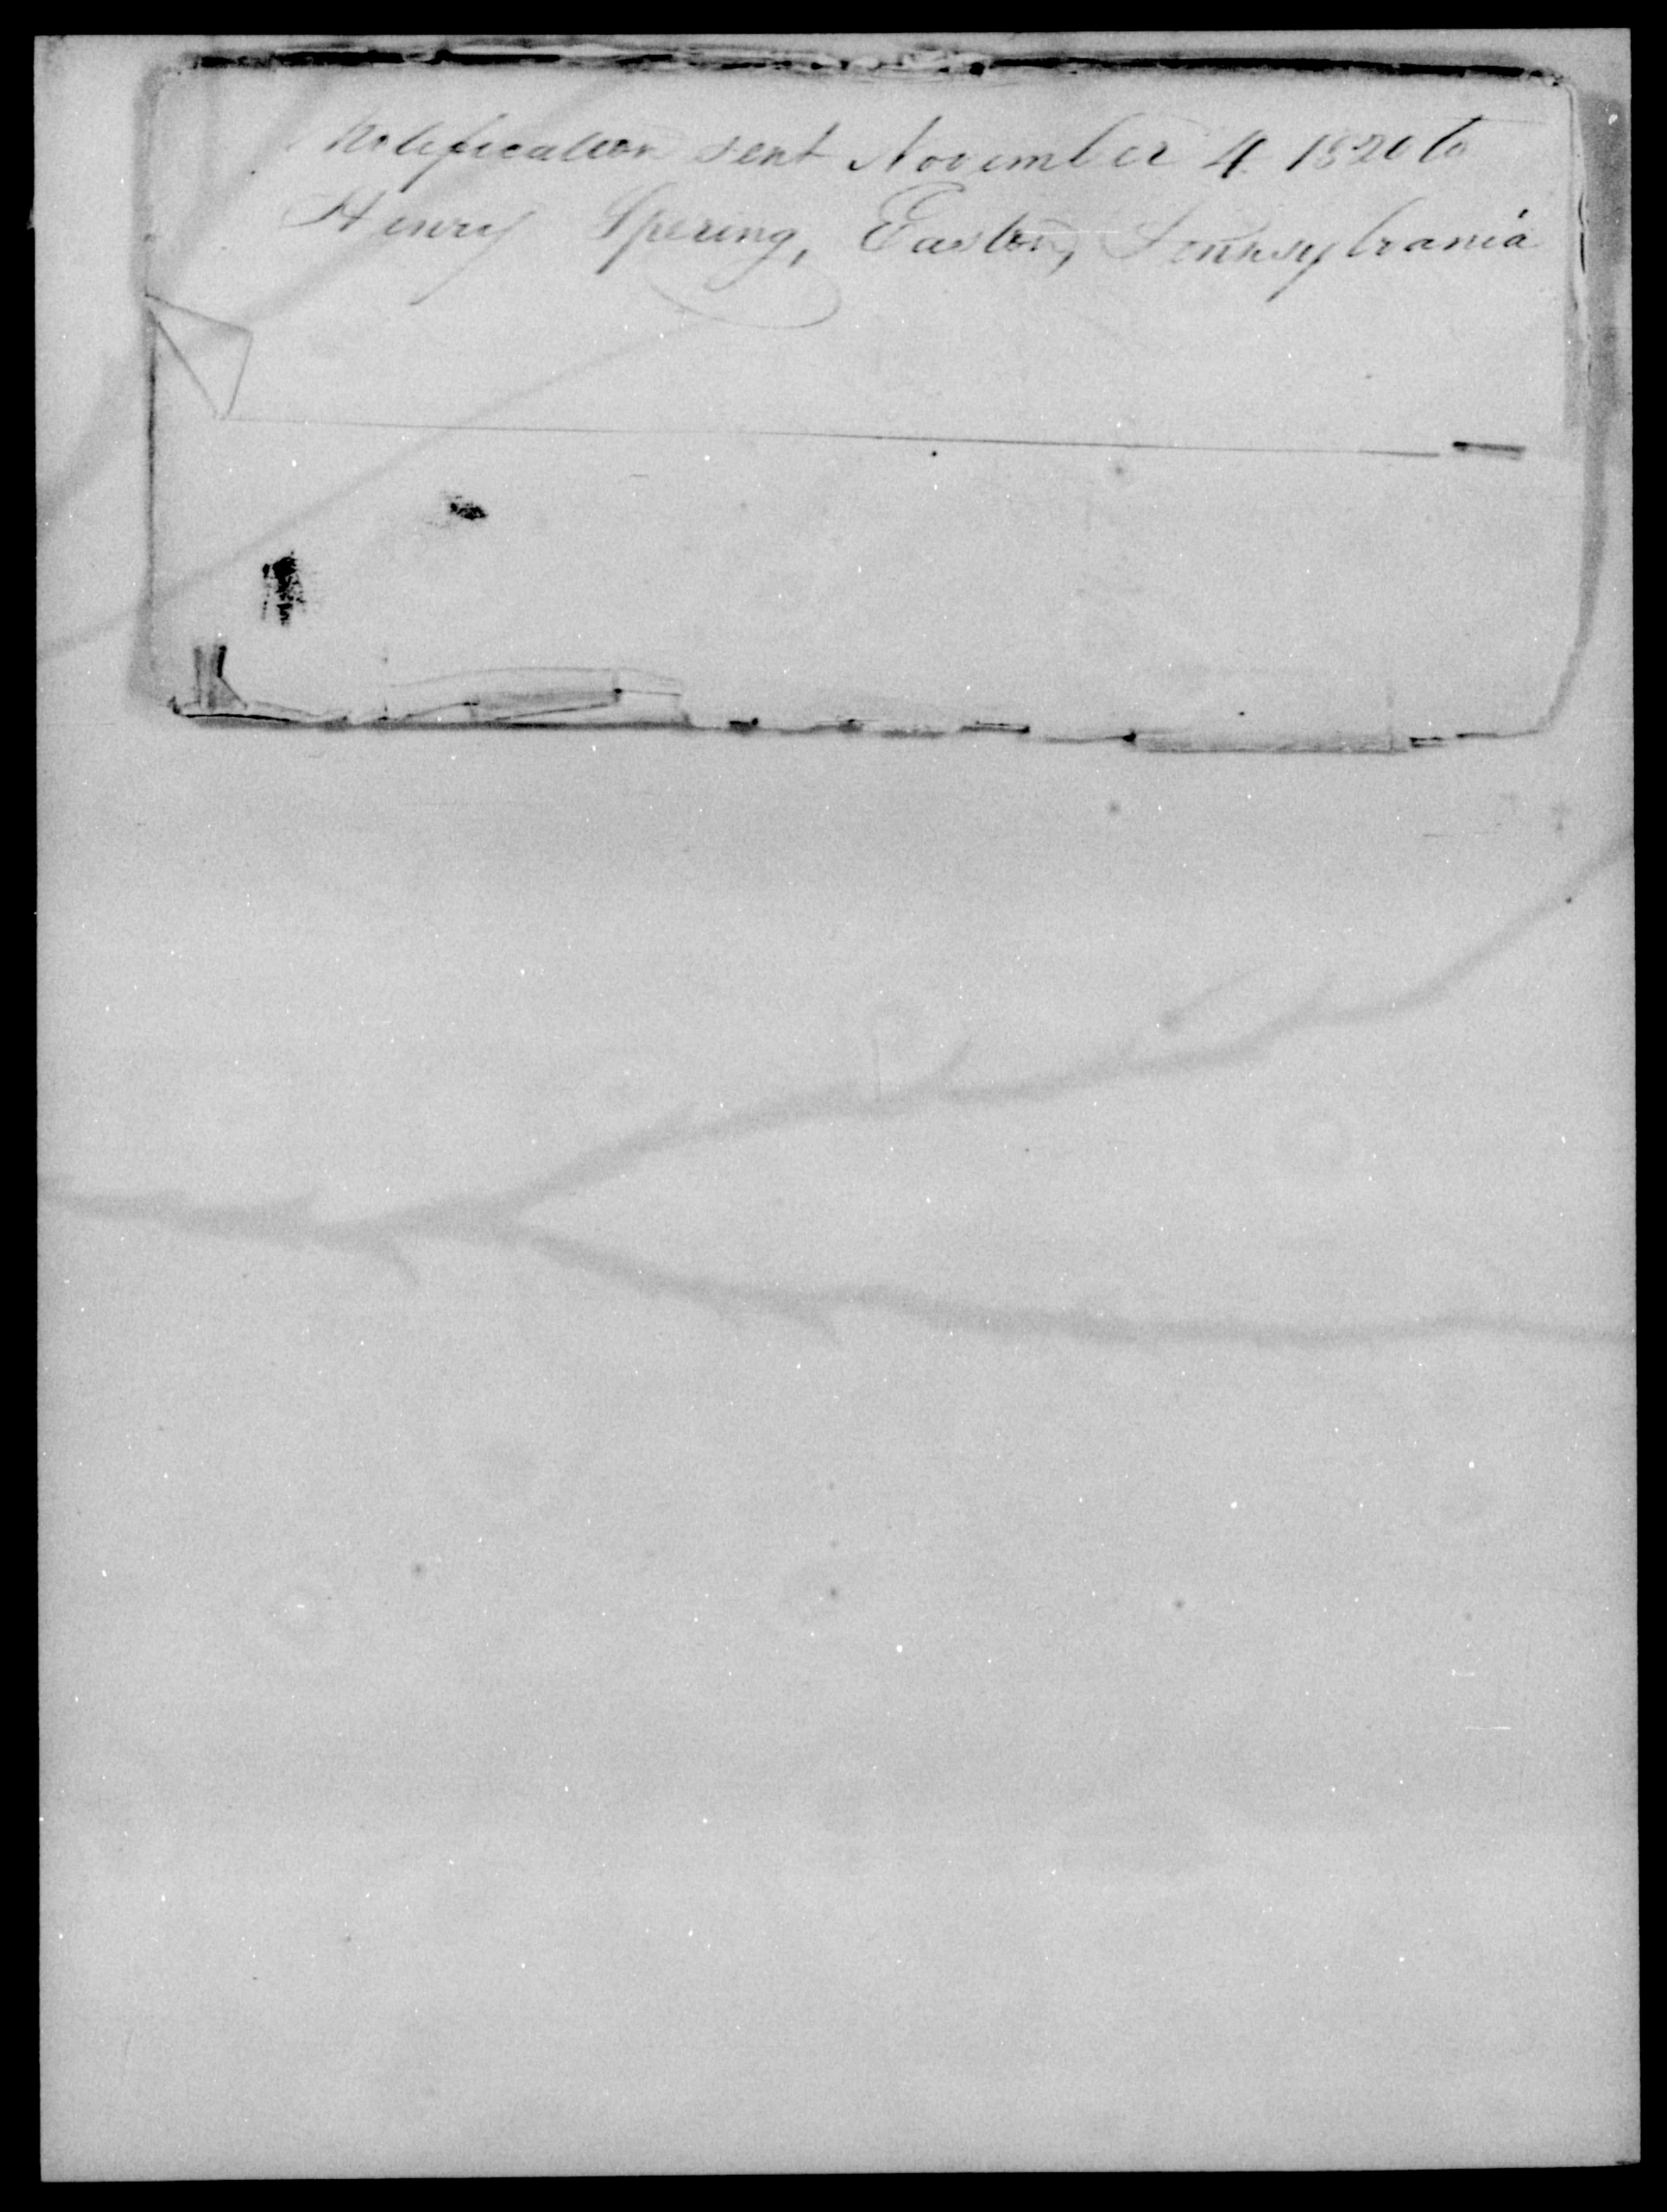notification sent November 4 1820 to
Henry Spring, Easton, Pennsylvania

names: Henry Spering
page: 3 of 19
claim: survivor's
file: S. 40410, for Ludwig Shoup, Pennsylvania